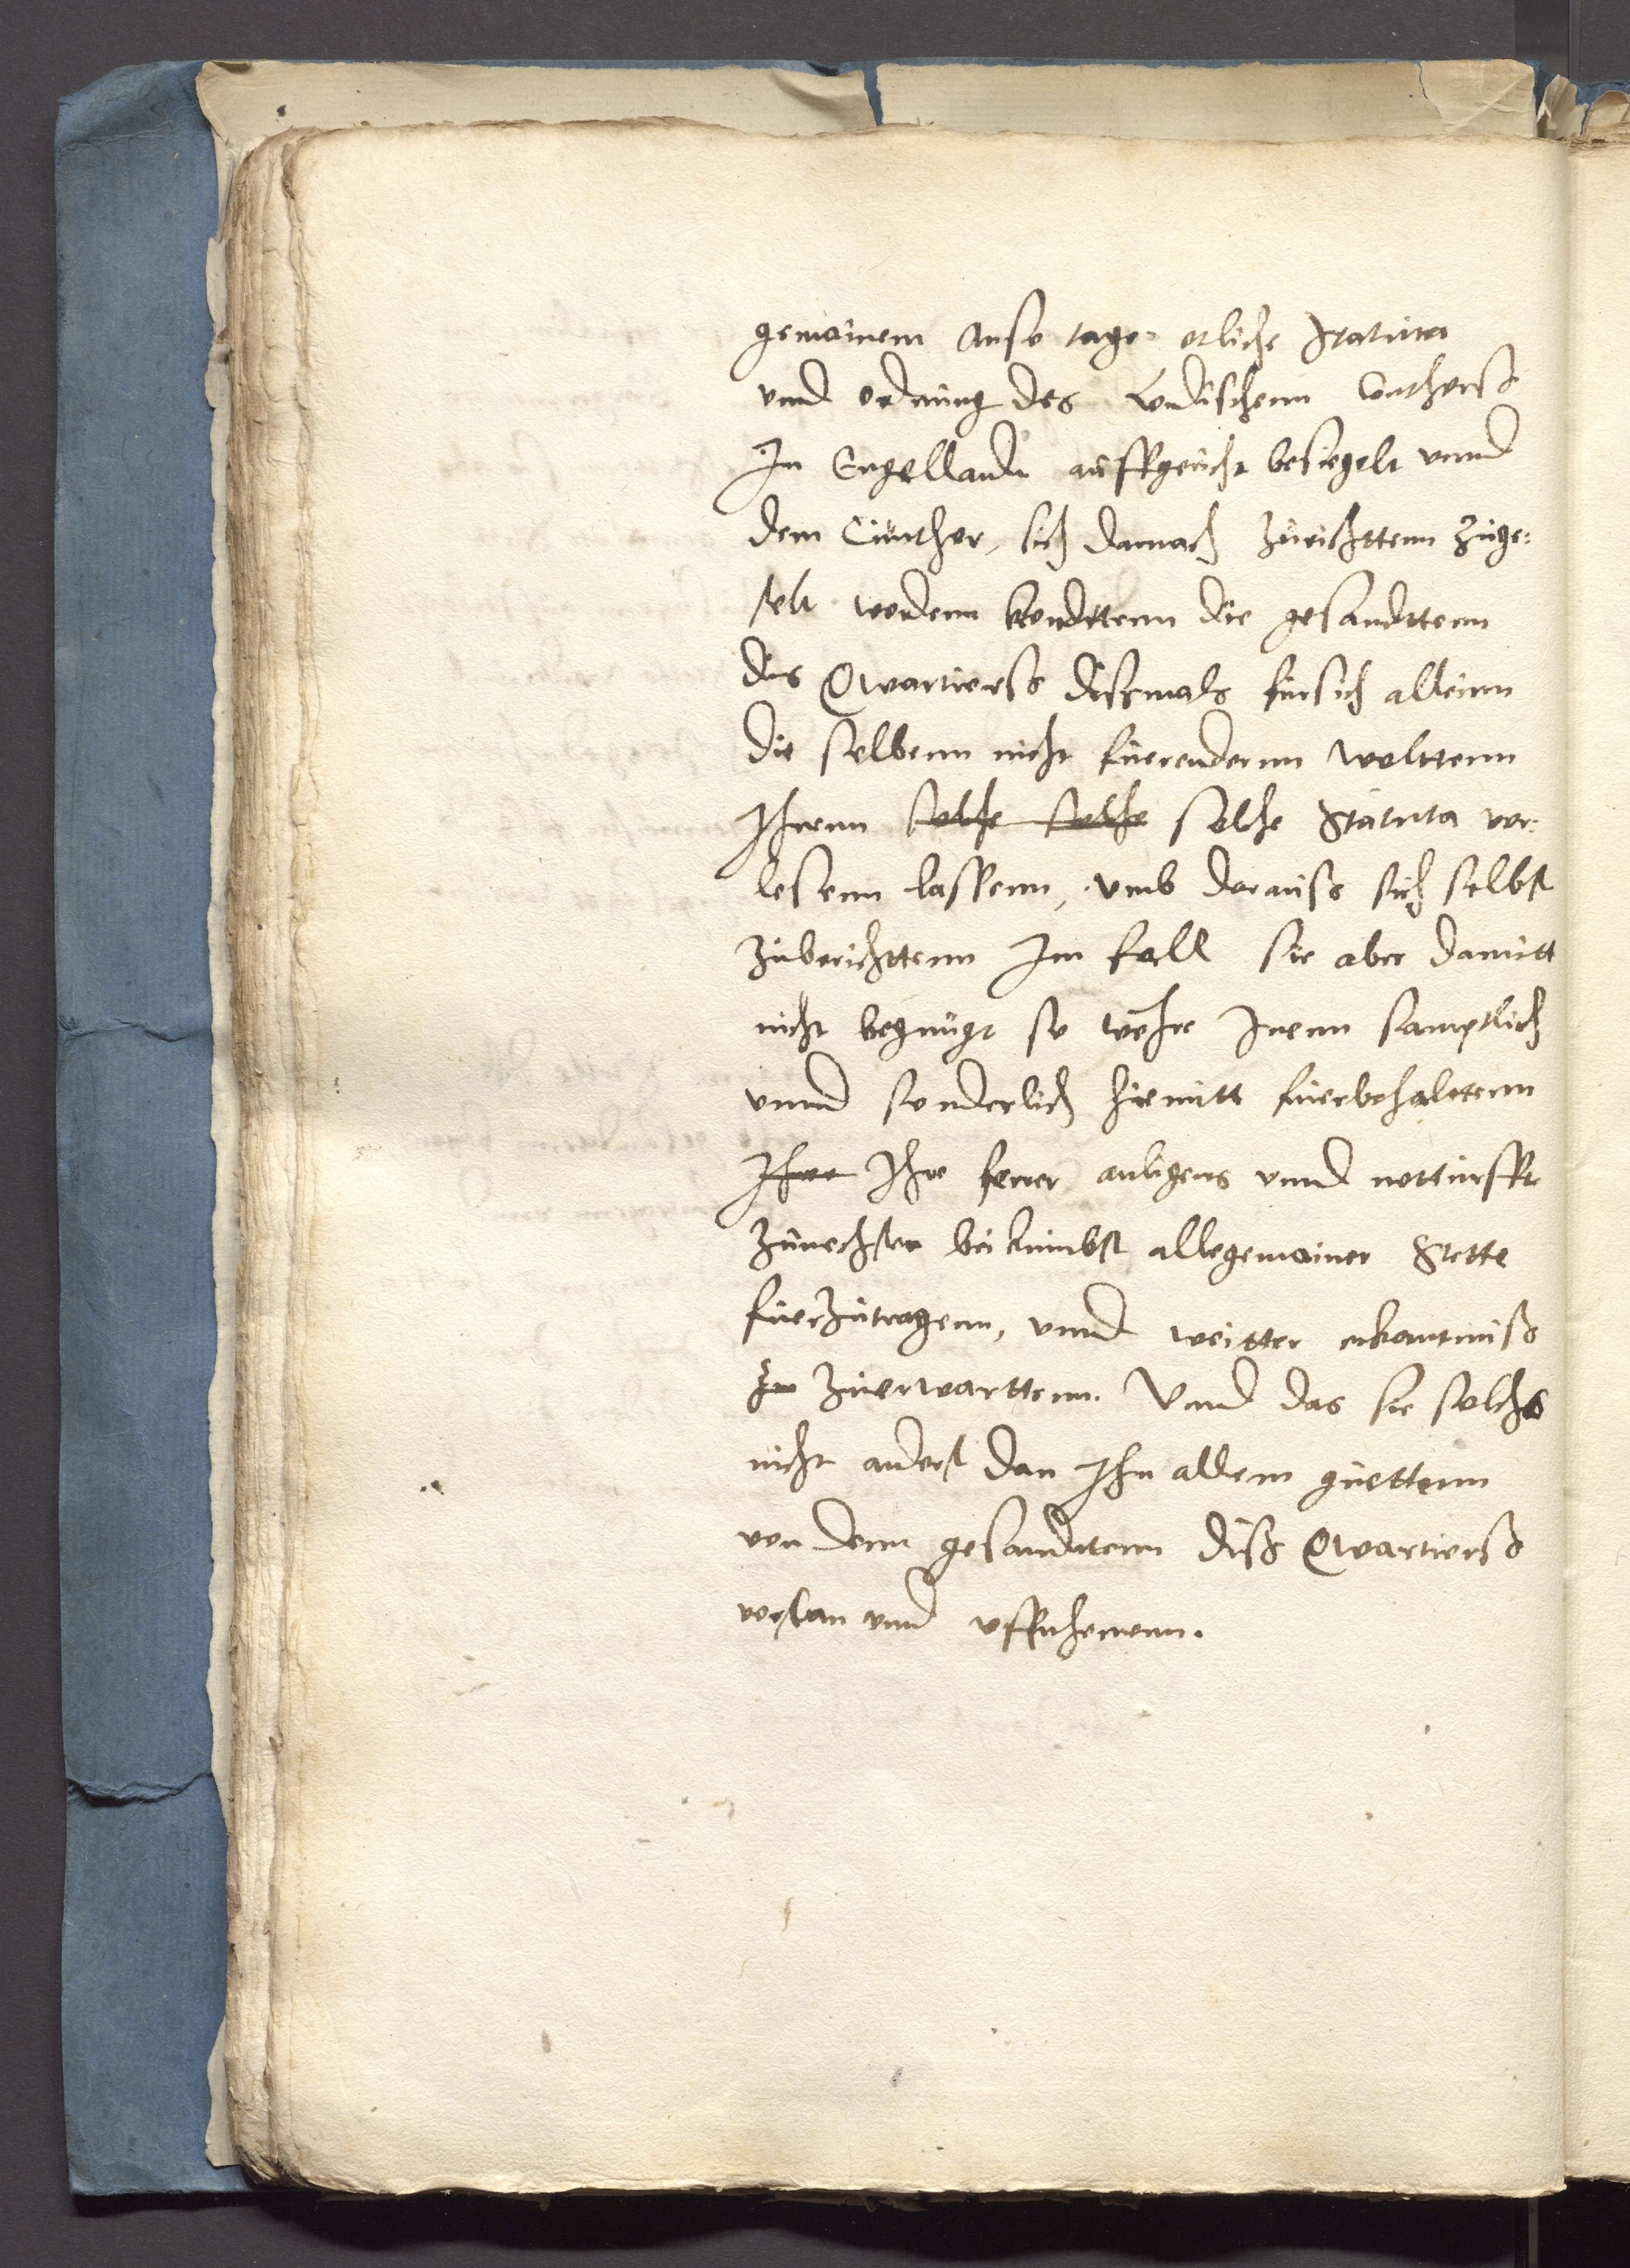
gemainem Anse tage etliche Statuten
vnd ordnung des Londischenn Conthors
Jn Engellande auffgericht besiegelt vnnd
dem Cunthor, sich darnach zurichttenn zuge¬
stelt wordenn kondetenn die gesandttenn
des Qwartiers dissmals fursich alleinn
die selbenn nicht fuerendernn wolttenn
Jhnenn Solhe Selhe solche Statuten vor¬
lesenn lassenn, vmb darauss sich selbst
zuberichttenn Jm fall sie aber damitt
nicht begnugt so wehre Jnenn samptlich
vnnd sonderlich hiemitt fuerbehalttenn
Ihre Jhr ferner anligens vnnd notturfft
zunechster bei kumbst allegemainer Stette
fuerzutragenn, vnnd weitter erkenntniß
In zuerwarttenn Vnnd das sie solchs
nicht anderst dan Jhn allem guettenn
von denn gesandetenn diß Qwartiers
vorstan vnd vffnhemenn.
